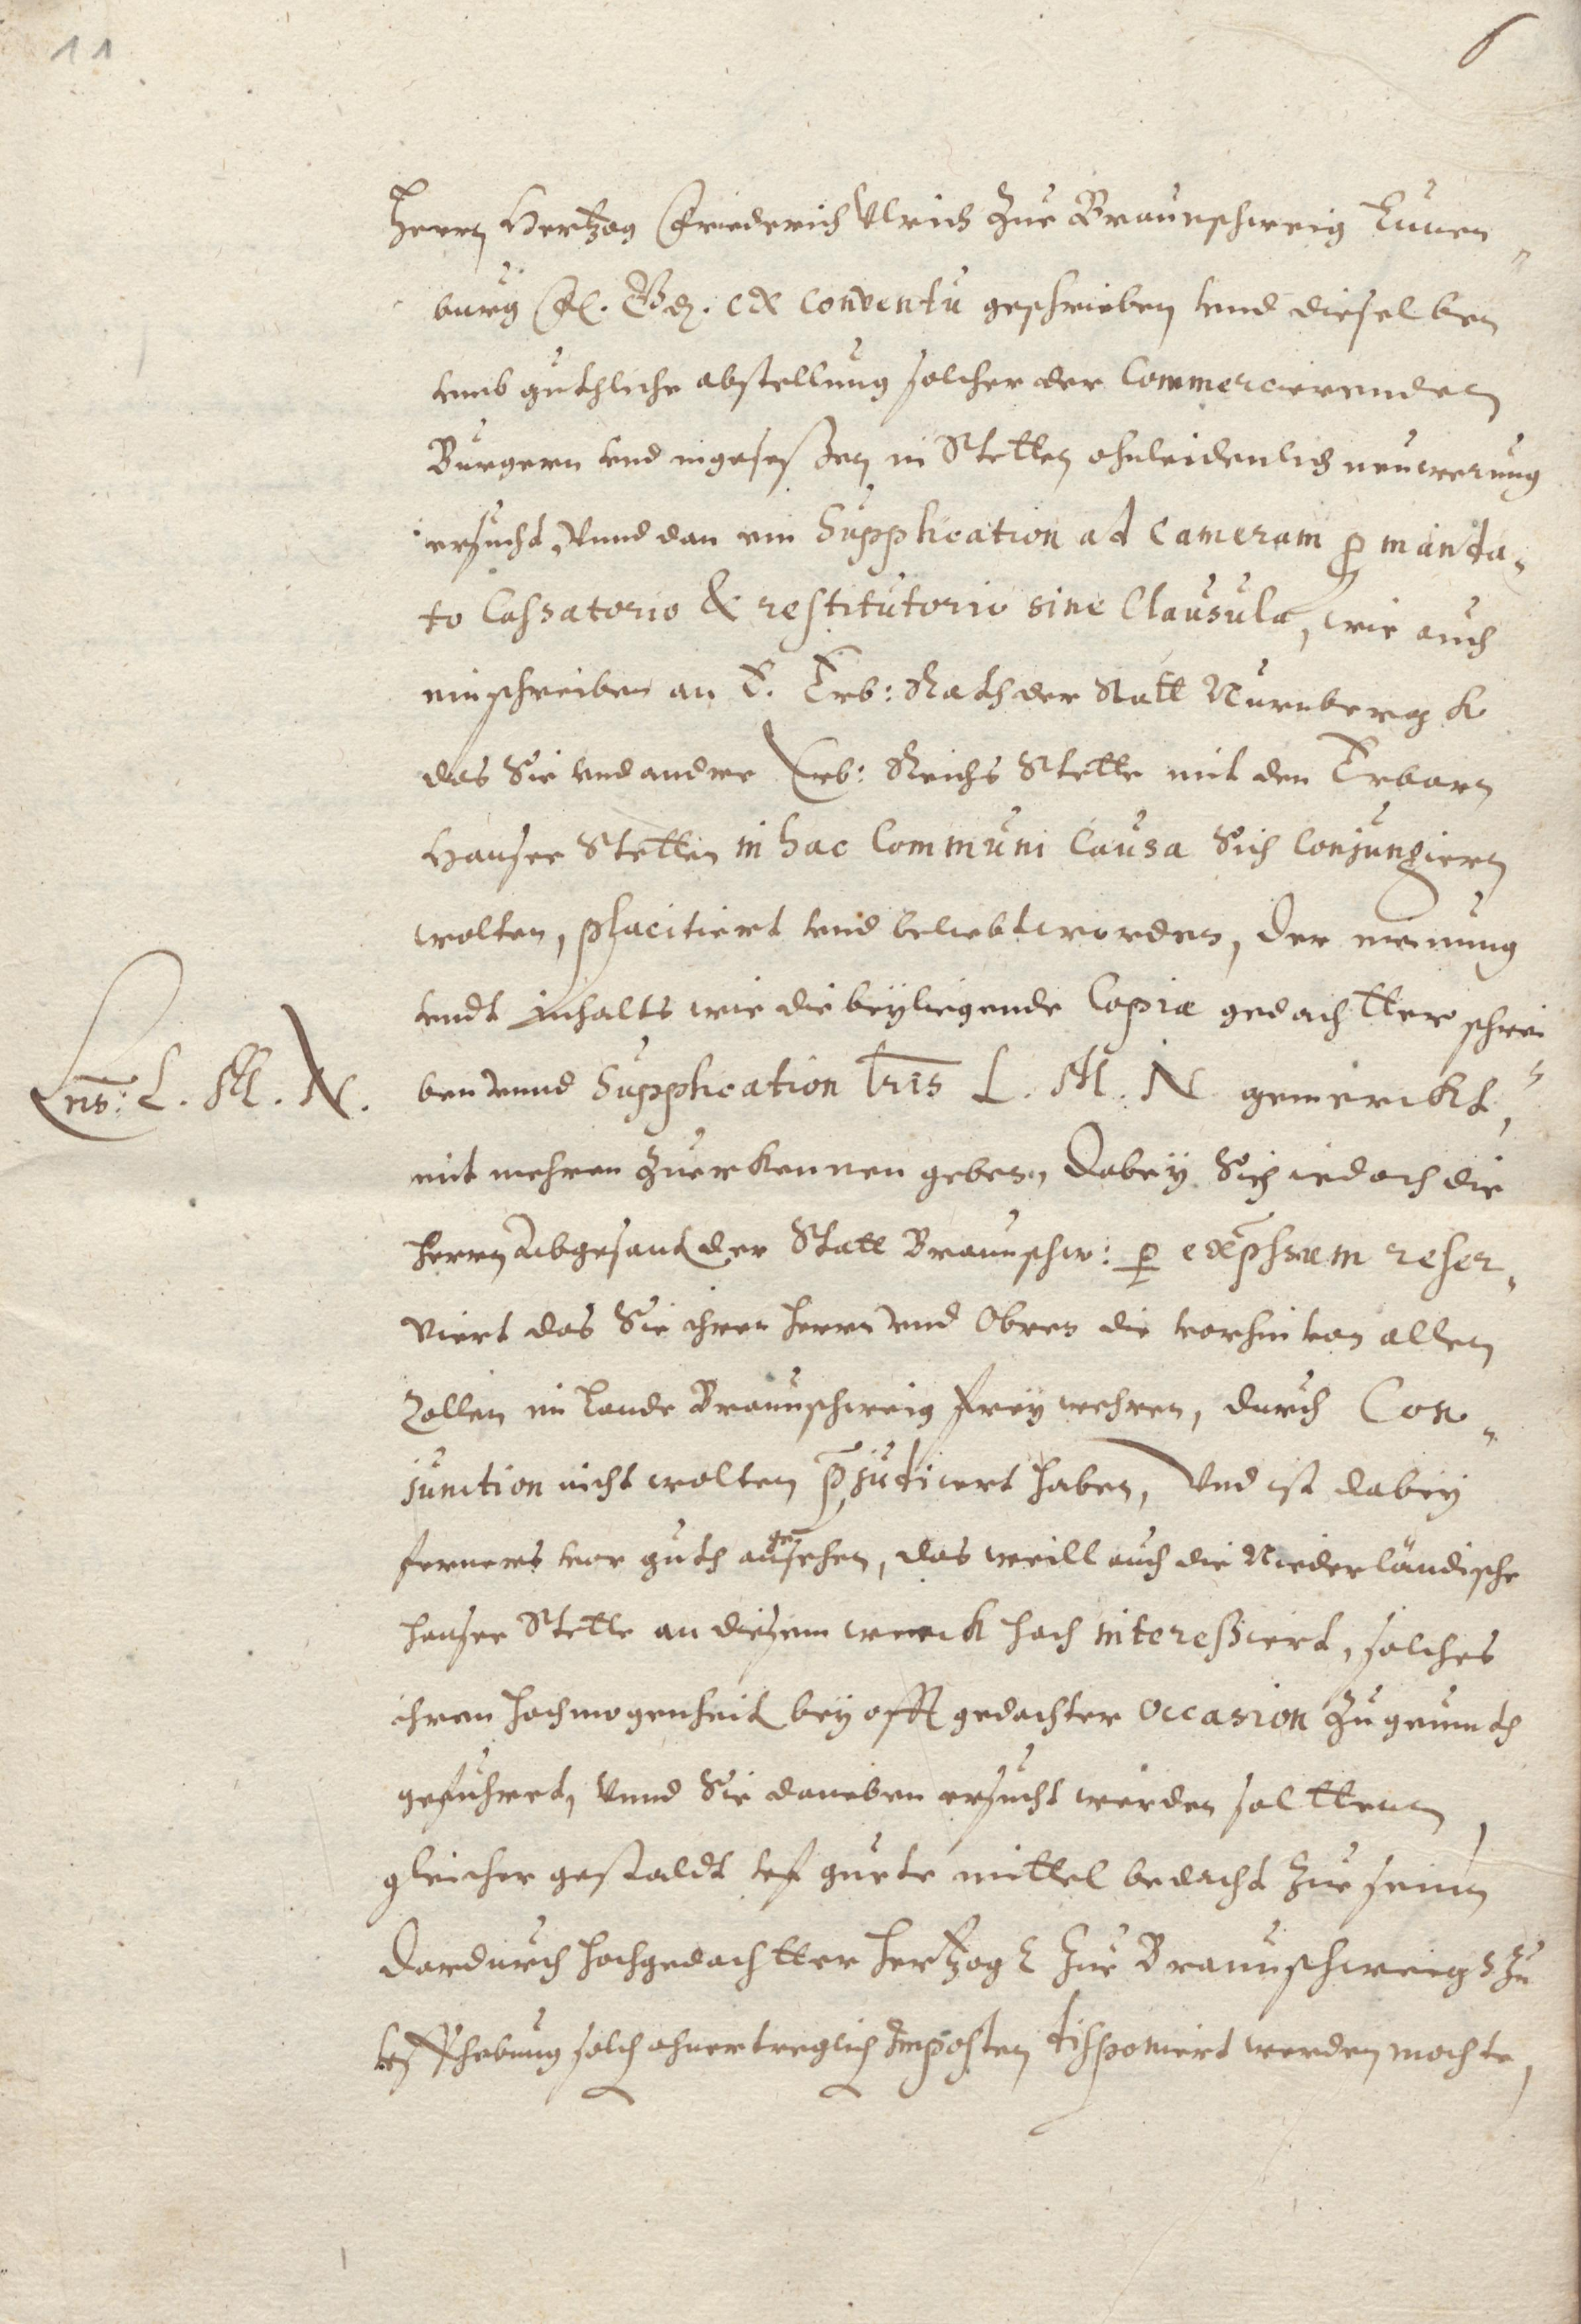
6
Herrn Hertzog Frederich Ulrich zue Braunschweig Lunen¬
burg Fl. Gd. ex conventu geschrieben vnd dieselben
vnd guthliche abstellung solcher der Commercierenden
Burgern vnd ingeseßen in Stetten ohnleidenlich neuwerung
ersucht, Vnnd dan ein Supplication ad cameram pro manda¬
to Cassatorio & restitutorio sine Clausula, wie auch
ein schrieben an E. Erb: Rath der Statt Nürnberg L
das Sie vnd andre Erb: Reichs Stette mit den Erbarn
Hansee Stetten in hac Communi Causa Sich conjungiern
wolten, placitiert vnd beliebt worden, der meinung
vndt inhalts wir die beijliegende Copiae gedachtter schrei¬
ben vnnd Supplication litteris L . M. N . gemerckt,
mit mehren zuerkennen gebenn Dabeij sich iedoch die
herrn Abgesanten der Statt Braunschweig pro expressum reser¬
viert das Sie ihren herrn vnd Obren die vorhin von allen
Zollen im Lande Braunschweig freij wehren, durch Con¬
iunction nicht wolten preiudicert haben, Vnd ist dabeij
ferners vor guth angesehen, das weill auch die Niederländische
Hansee Stette an diesem werck hoch intereßiert, solches
ihren hochmogenheit beij offt gedachter occasion zu gemuth
gefuhret, Vnnd sie daneben ersucht werden soltten,
gleicher gestaldt vf guete mittel bedacht zue seinn
dardurch hochgedachtter Hertzogh zue Braunschweigh zu
vffhebung solchen ahnertreglichen Imposten disponiert werden mochte,
Litteris L. M. N.
